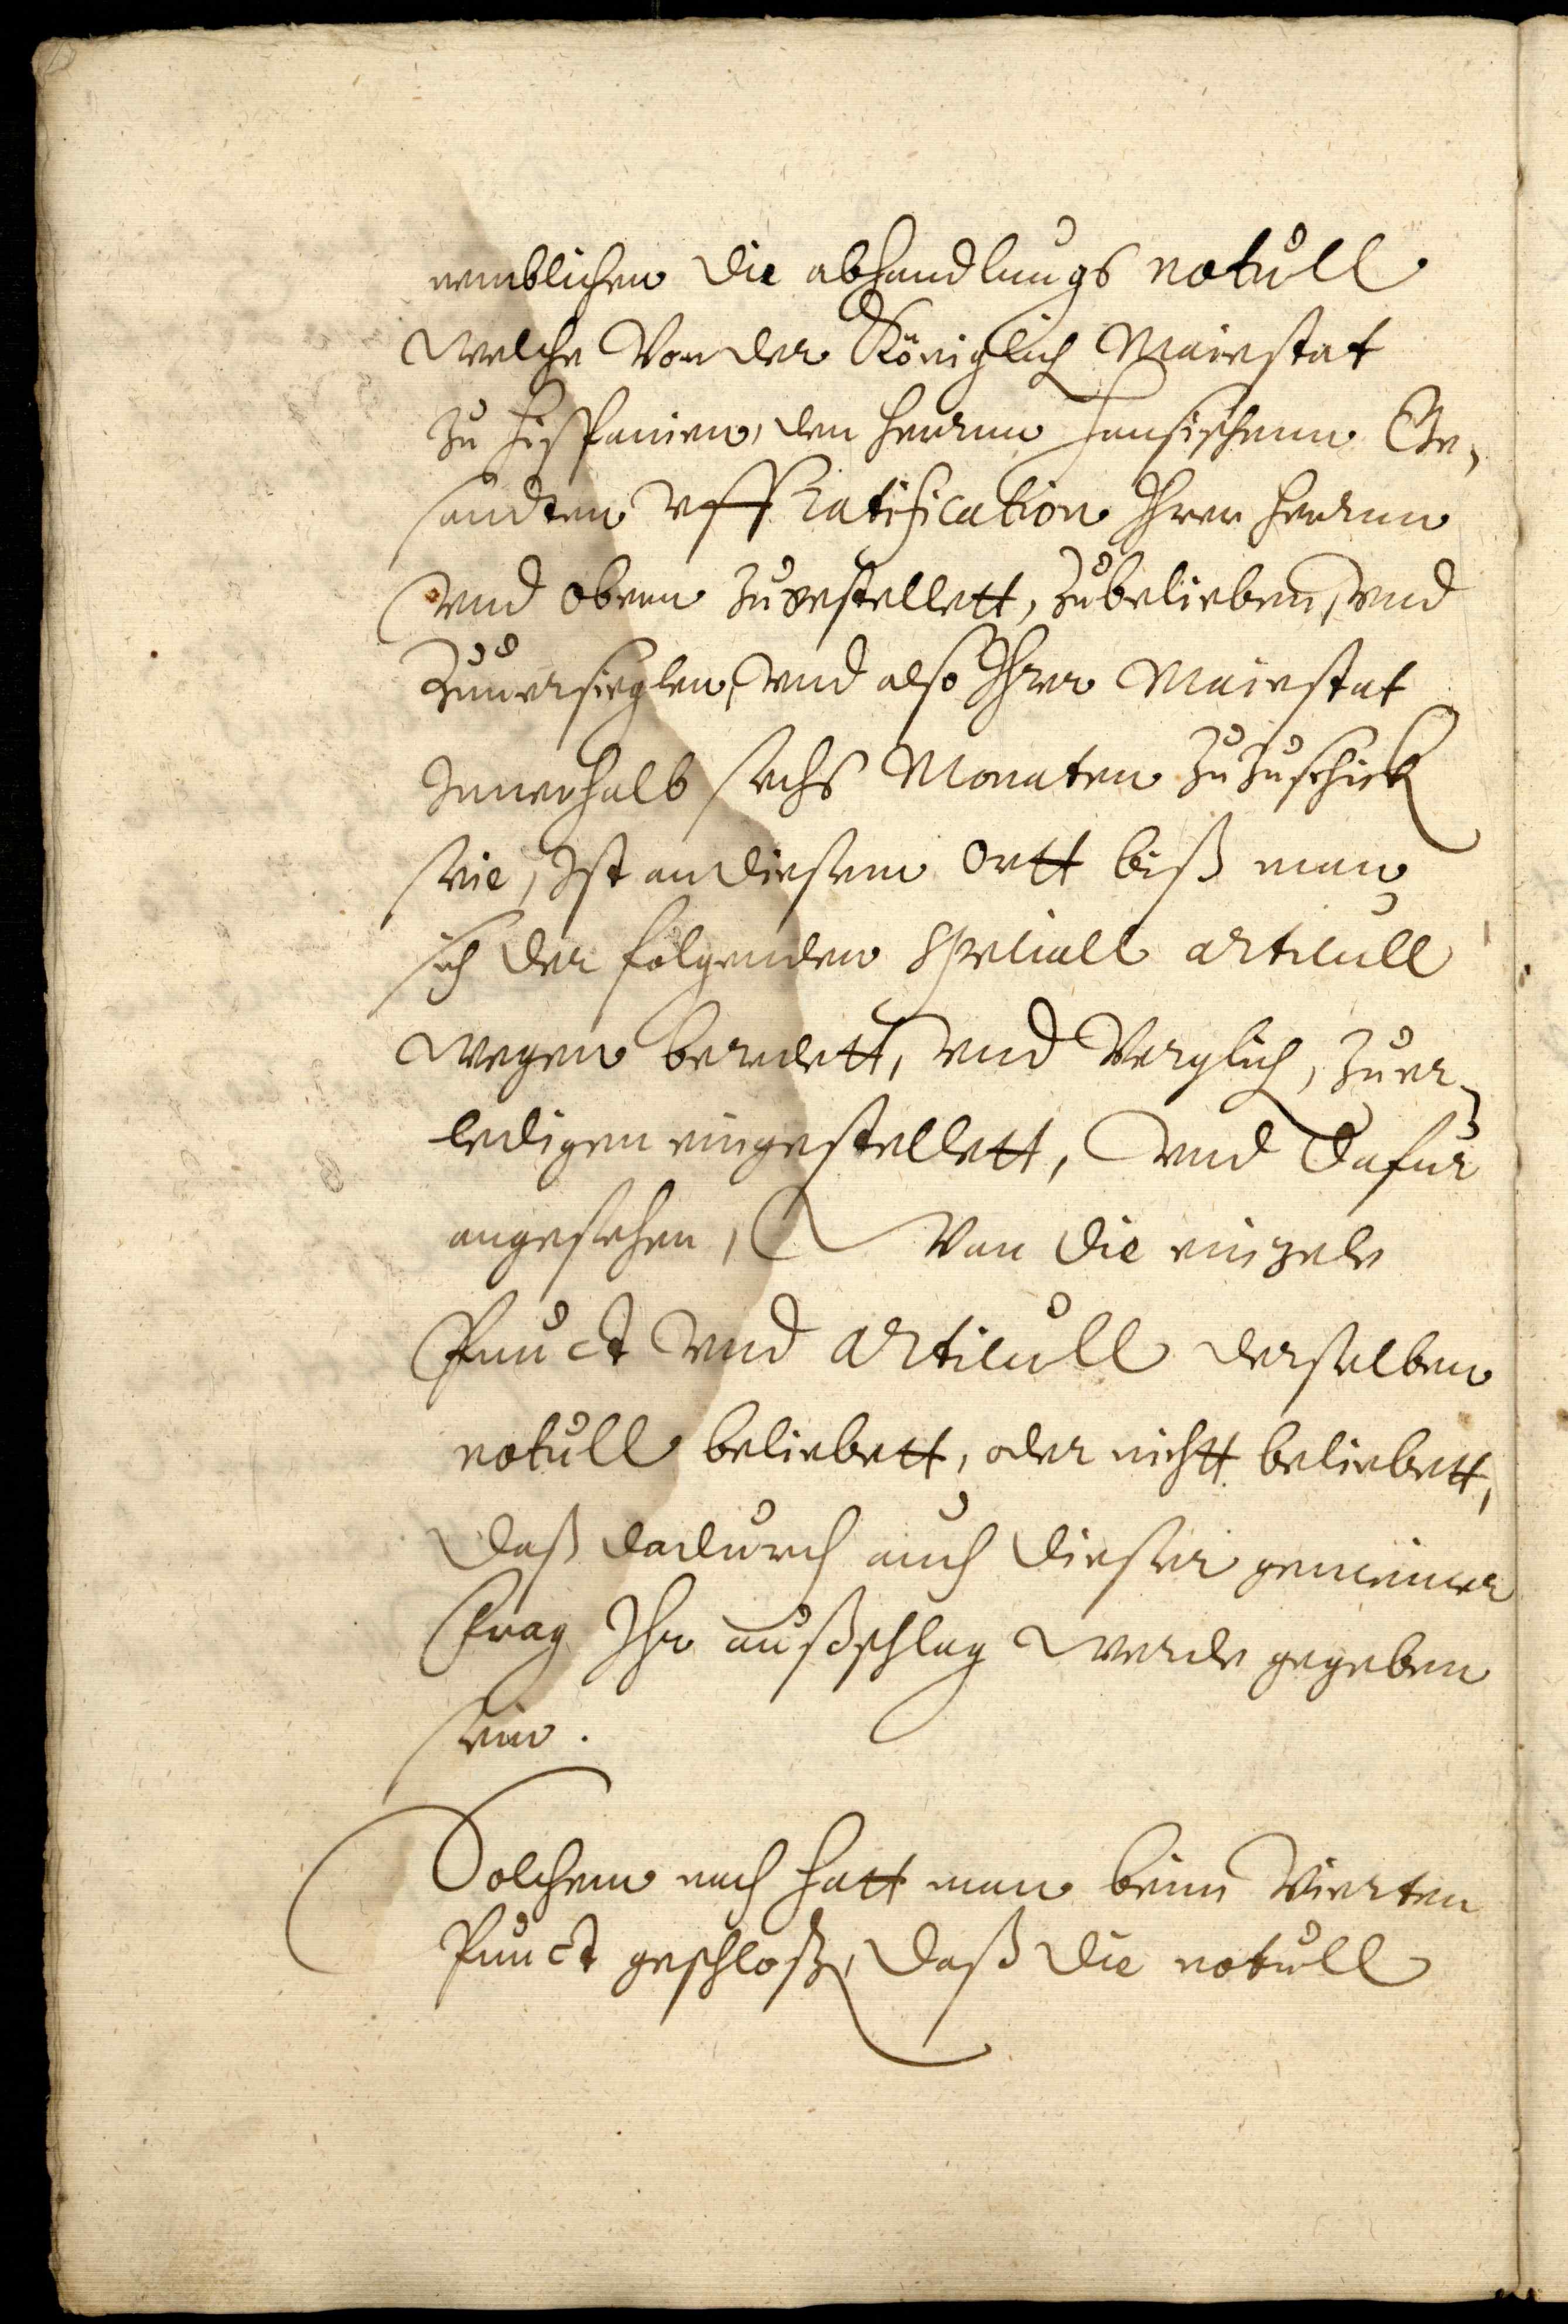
nemblichen die abhandlungs notull
welche von der Königlichen Maiestat
zu Hispanien, den herrnn hansischenn Ge¬
sandten uff ratification Ihrer herrnn
vnd obern zu gestellett, zubelieben, vnd
zuuersieglen, vnd also Ihrer Maiestat
innerhalb sechs Monaten zu zu schicken
seie, ist an diesem Ortt biß man
sich den folgenden speciall articull
wegen beredett,vnd verglichen, zu er¬
ledigen eingestellett, vnd dafur
angesehen, wan die einzeln
Punct vnd articull derselben
notull beliebett, oder nicht beliebett,
daß dadurch auch dieser gemeiner
Frag Ihr außschlag werde gegeben
sein.
Solchem nach hatt man beim Vierten
Punct geschloßen,daß die notull
